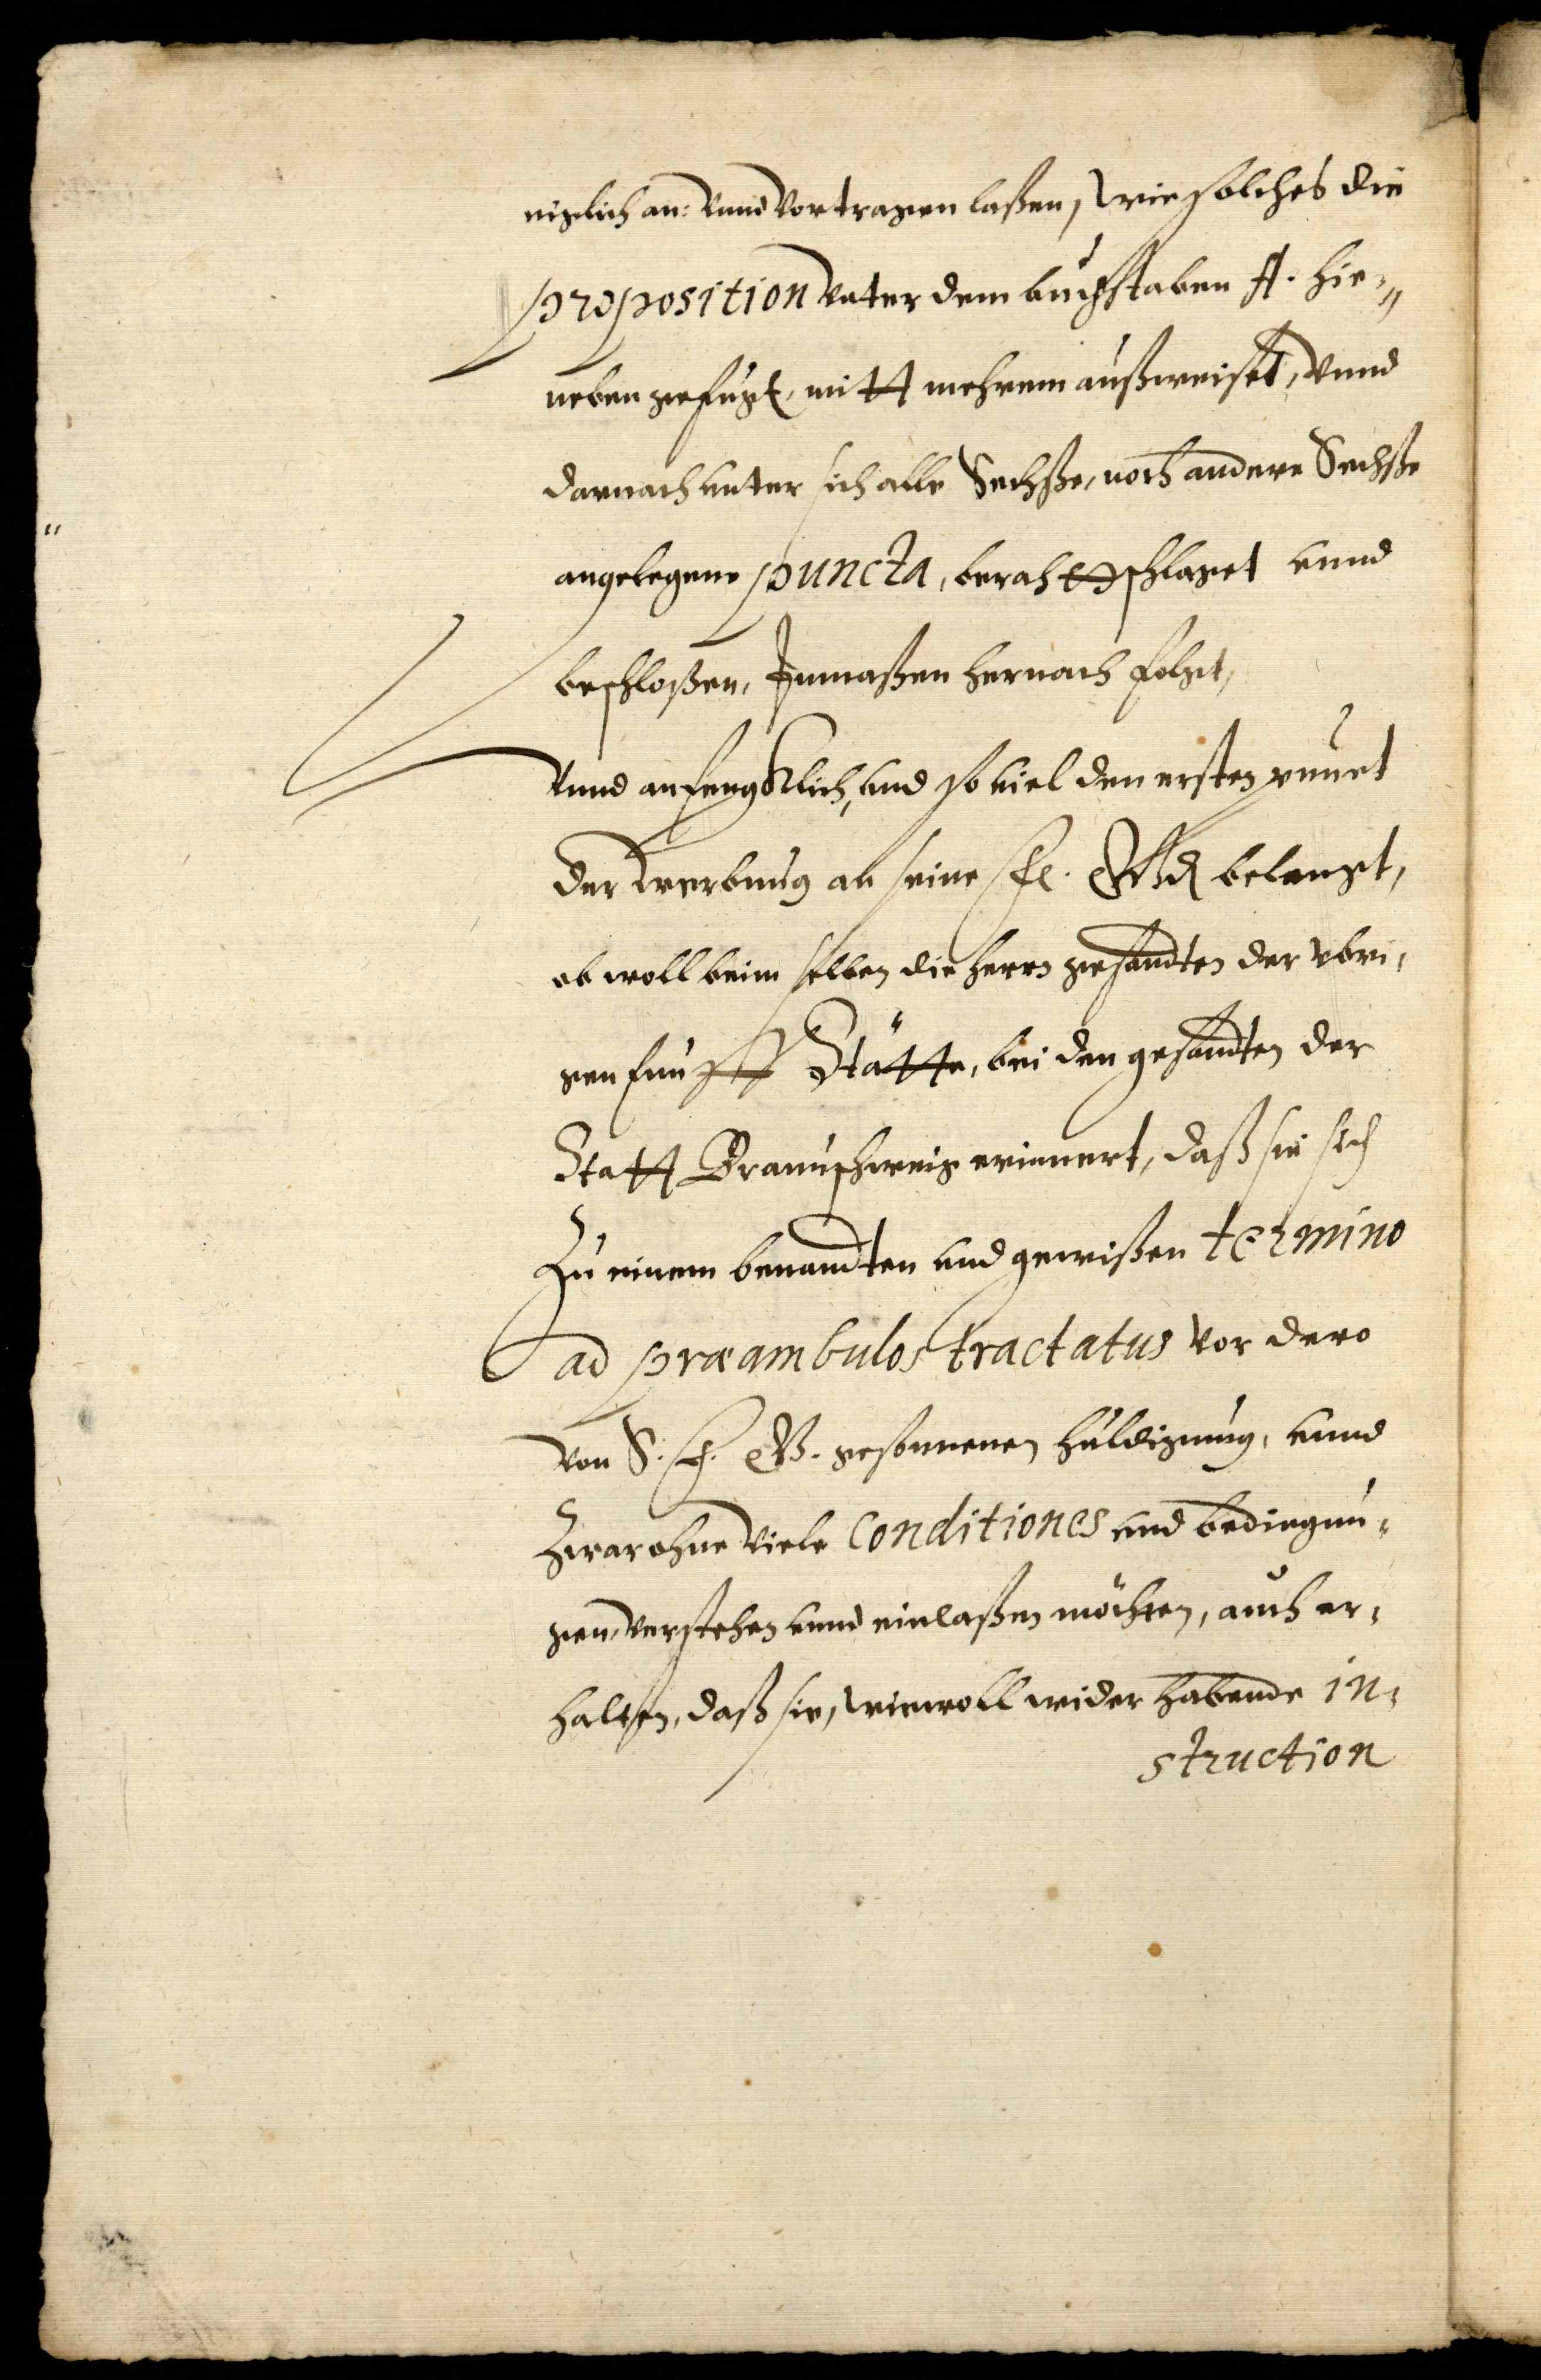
niglich an: vnnd vortragen laßen, wie solches die
proposition vnter dem buchstaben A. hie¬
neben gefugt mitt mehrem außweiset, vnnd
darnach vnter sich alle Sechße, noch andere Sechße
angelegene puncta, berahttschlaget vnnd
beschloßen, Inmaßen hernach folget,
Vnnd anfengklich, vnd so viel den ersten punct
der werbung an seine Fl. Gd belangt,
ob woll beim selben die herrn gesandten der vbri¬
gen funff Stätte, bei den gesandten der
Statt Braunschweig erinnnert, daß sie sich
Zu einem benandten vnd gewißen termino
ad praeambulos tractatus vor dero
von S. F. G. gesonnenen huldigung, vnnd
zwar ohne viele conditiones vnd bedingun¬
gen verstehen vnnd einlaßen möchten, auch er¬
halten, daß sie, wiewoll wider habende in¬
struction
